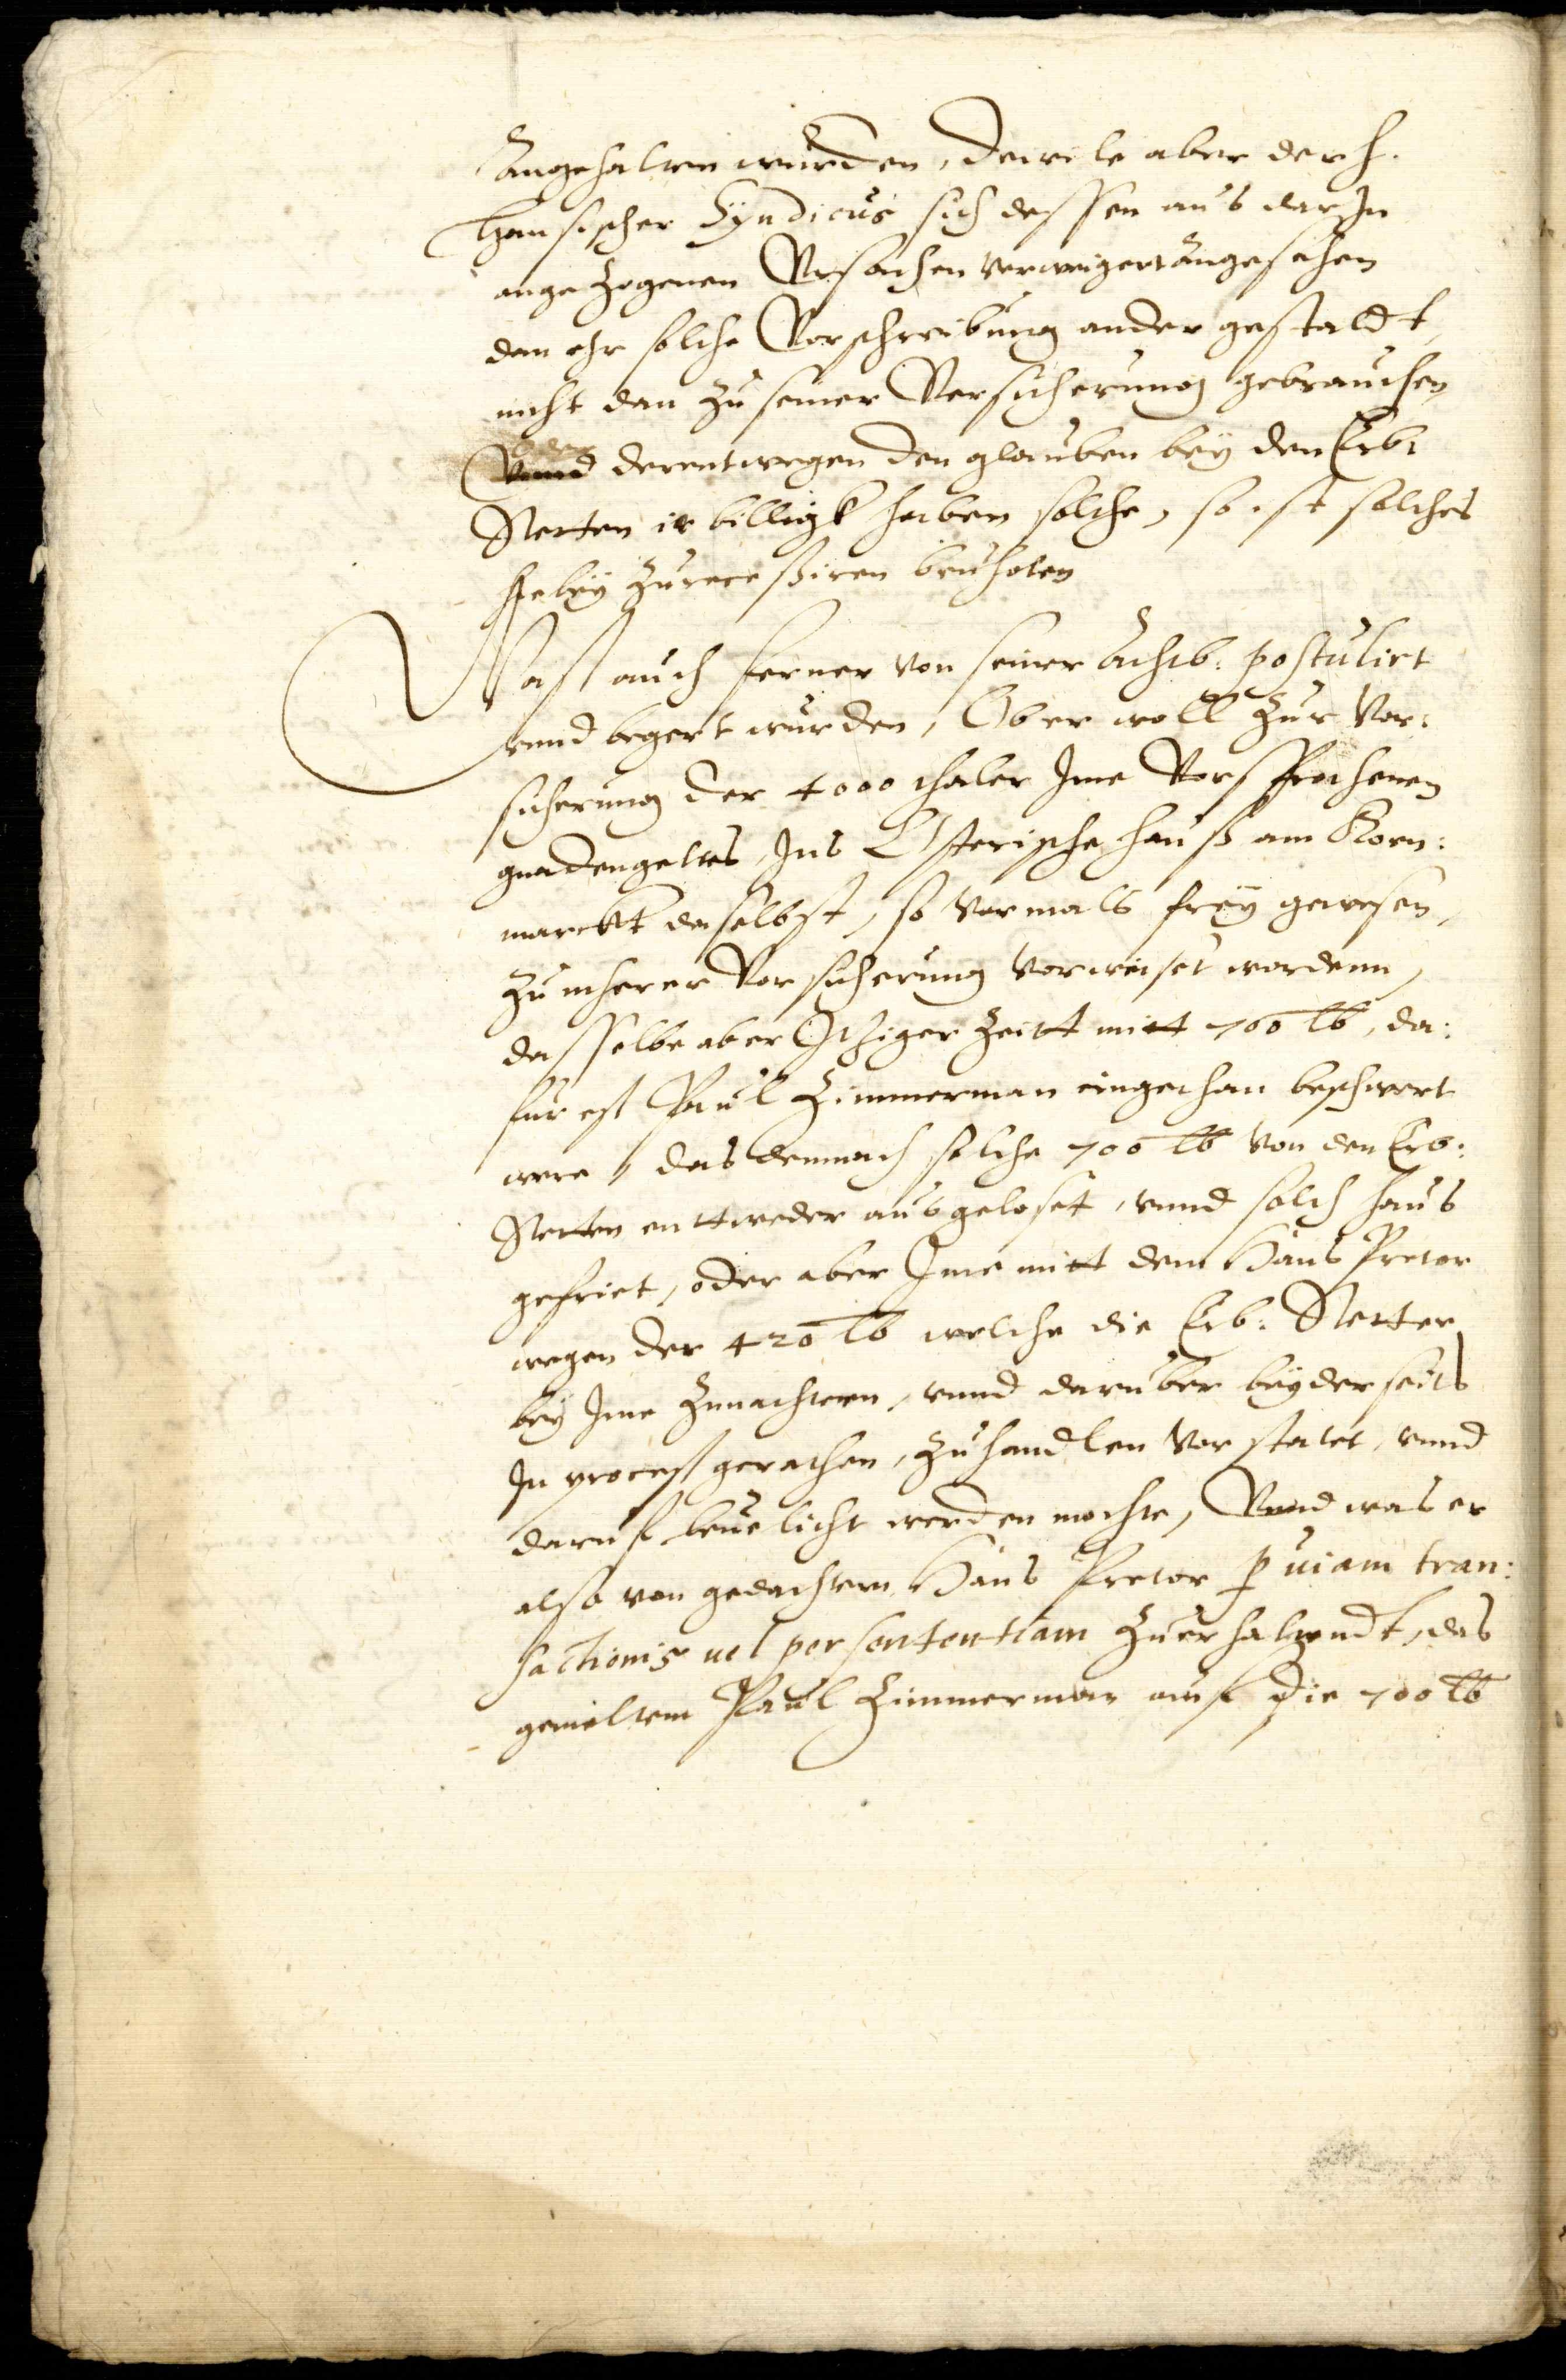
Angehalten wurden, dewile aber der h.
Hansischer Sijndicus sich dessen aus dar Jn
angezogenen Vrsachen verweigert Angesehen
dan ehr solche Vorschreibung ander gestaldt,
nicht dan zu seiner Versicherung gebrauchen,
Oder
Vnnd derentwegen den glauben beij den Erb:
Stetten ie billigk haben solthe, so ist solches
hiebeij zureceßiren beuholen
Waß auch ferner von seiner Achtb: postulirt
vnnd begert wurden, Ob er woll zur Vor¬
sicherung der 4000 thaler Jme Vorsprochenen
gnadengeltes, Jns Osterische hauß am Korn¬
marckt daselbst, so vormals freij gewesen,
zu mherer Vorsicherung vorweiset wordenn,
dasselbe aber Itziger Zeitt mitt 700 lb, da¬
fur eß Paul Zimmerman eingethan beschwert
were, das demnach solche 700 lb von den Erb:
Stetten enttweder ausgeloset, vnnd solch haus
gefriet, oder aber Jme mitt dem Haus Pretor
wegen der 420 lb welche die Erb: Stetter
beij Ime zunachtern, vnnd daruber beijderseits
Jn proceß gerathen, zu handlen vorstatet, vnnd
daruf beuelicht werden mochte, Vnnd was er
also von gedachtem Haus Pretor per uiam tran¬
sactionis nec per sententiam zu erhaltendt, das
gemeltem Paul Zimmerman auf die 700 lb
